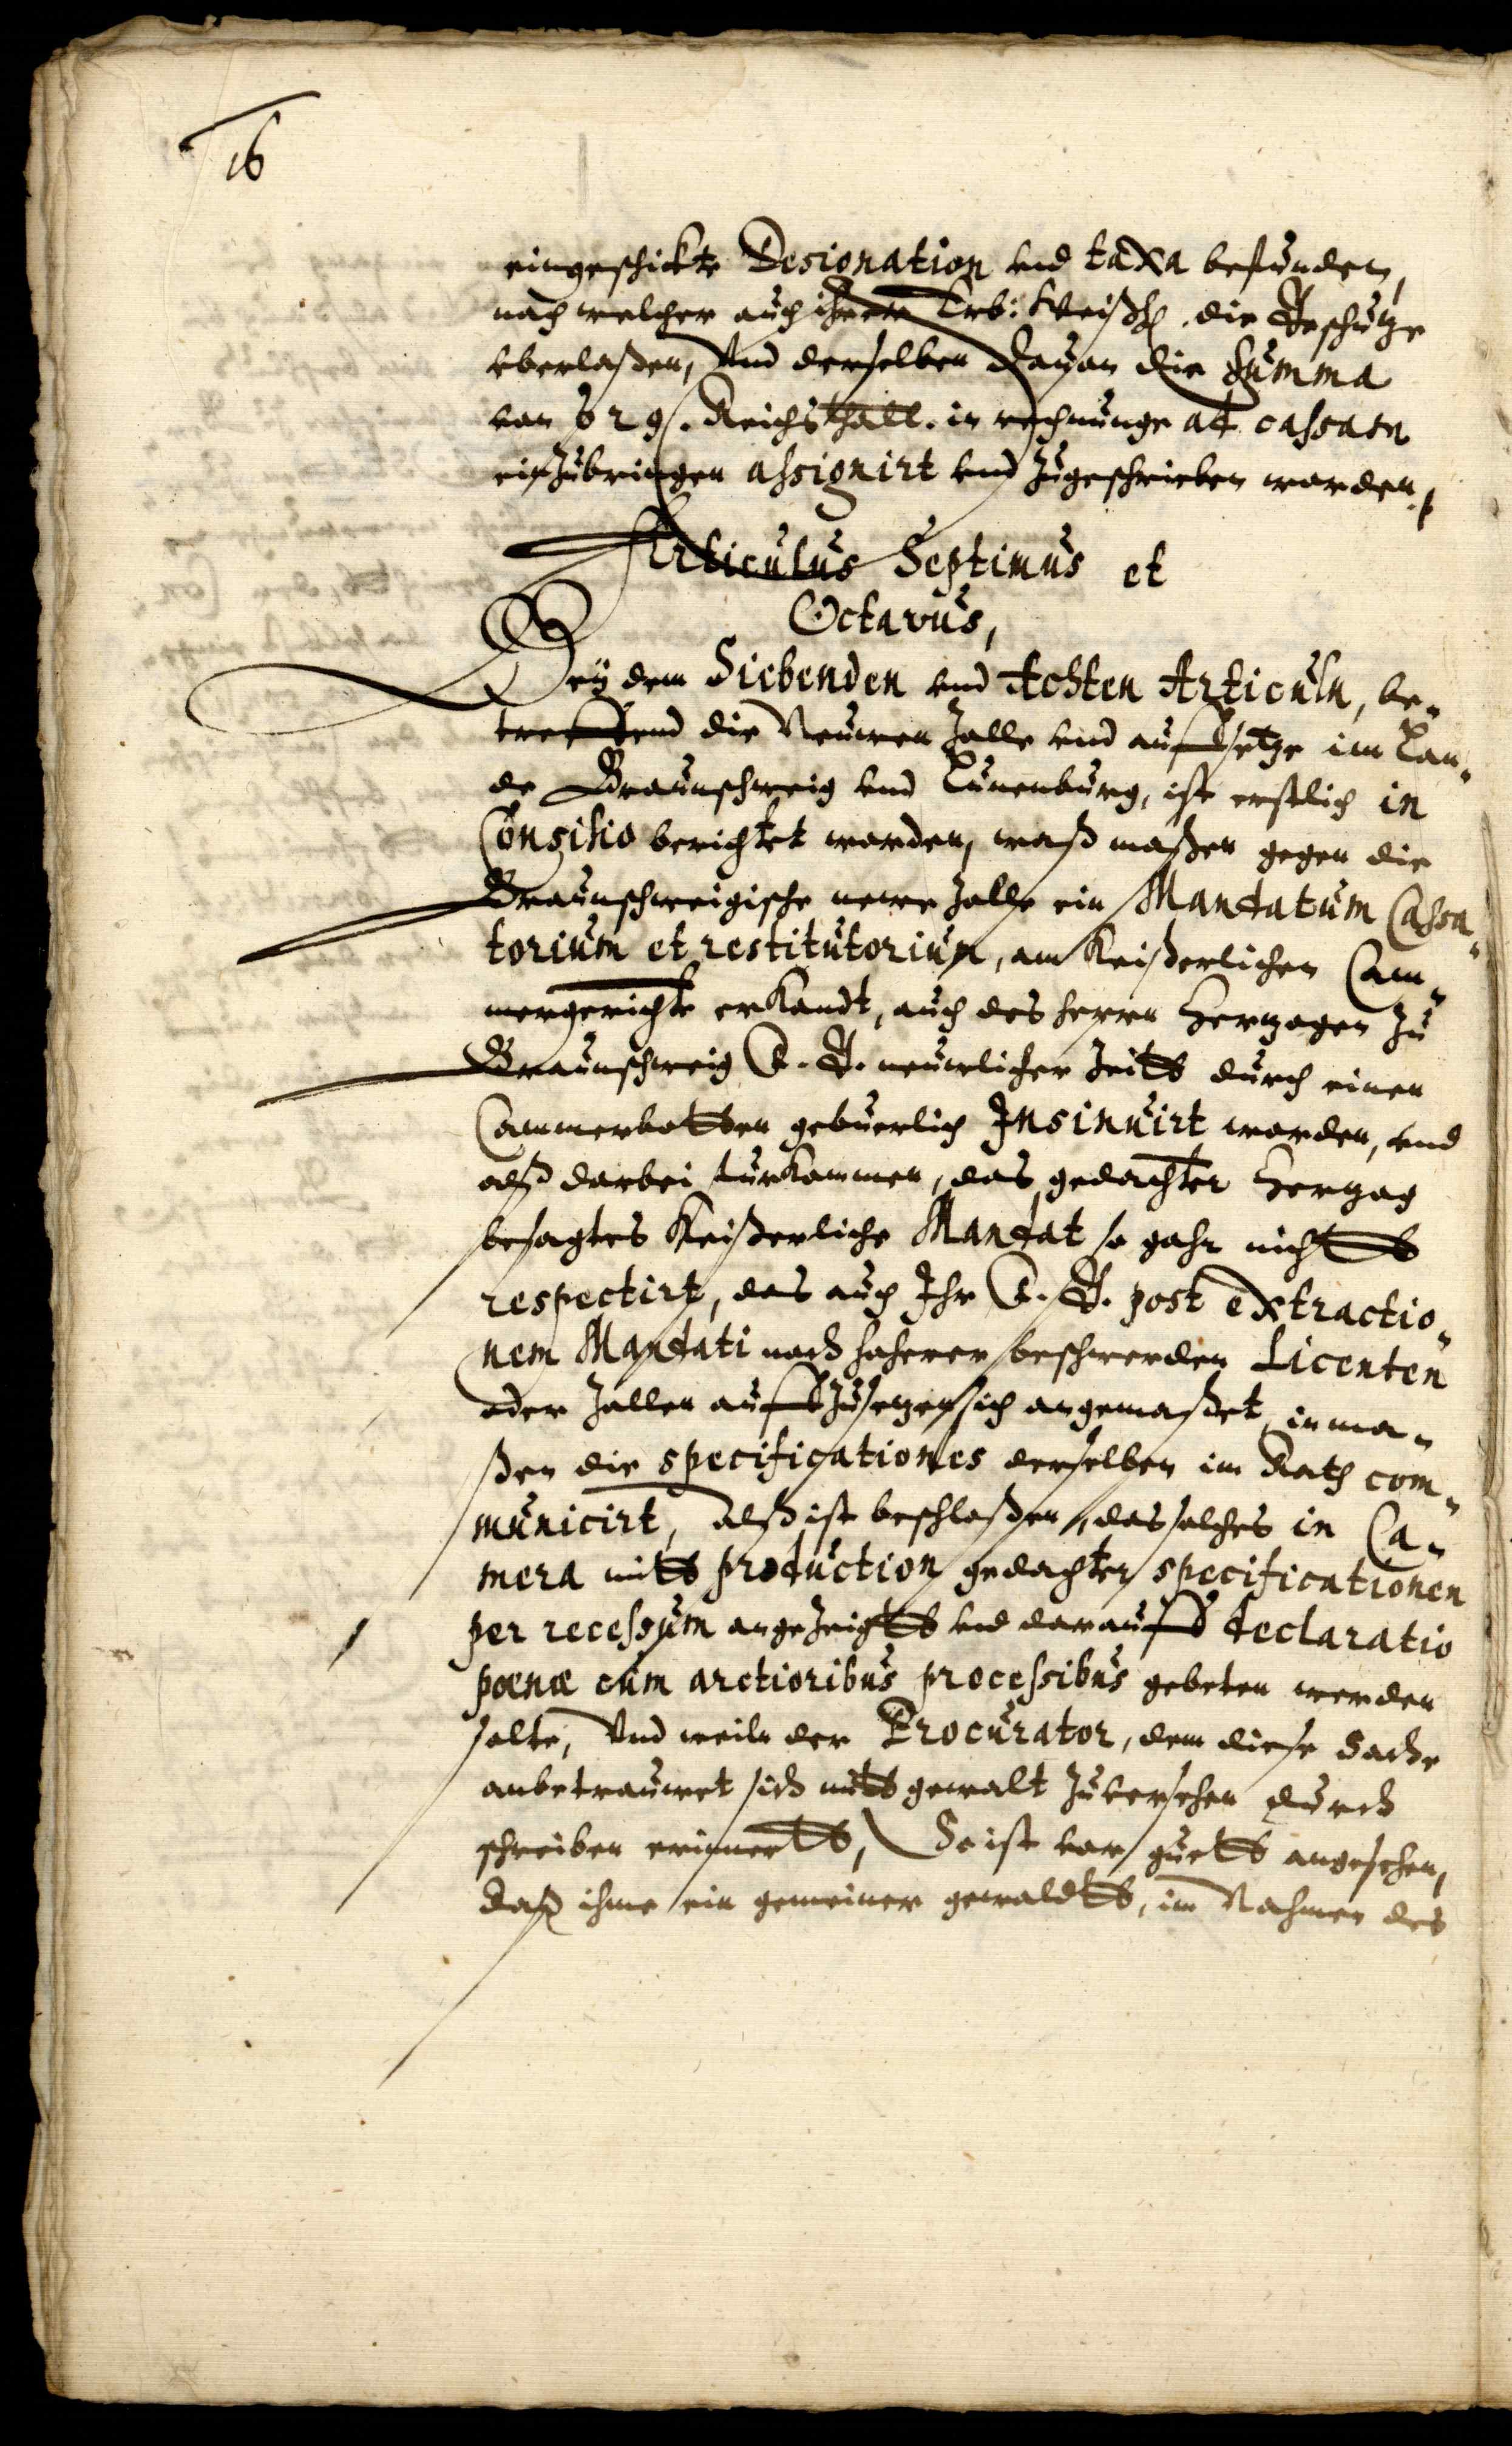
16
eingeschickte Designation vnd taxa befunden,
nach welcher auch ihrer Erb: Weißhh. die Geschutze
vberlaßen, Vnd derselben dauon die Summa
von 629. Reichsthall. in rechnunge ad cassam
einzubringen assignirt vnd zugeschrieben worden,
Articulus Septimus et
Octavus,
Beij dem Siebenden vnd Achten Articuln, be¬
treffend die Neuwen Zolle vnd auffsetze im Lan¬
de Braunschweig vnd Lunenburg, ist erstlich in
Consilio berichtet worden, waß maßen gegen die
Braunschweigische newe zolle ein Mandatum Cassa¬
torium et restitutorium, am Keiserlichen Cam¬
mergerichte erkandt, auch des herrn Hertzogen Zu
Braunschweig Cr. G. neuerlicher Zeitt durch einen
Cammerbotten gebuerlich Insinuirt worden, vnd
daß darbei furkommen, das gedachter Hertzog
besagtes Kaiserliche Mandat so gahr nichtt
respectirt, das auch Ihr K. G.. post extractio¬
nem Mandati nach hoherer beschwerden Licenten
oder Zollen auffZusetzen sich angemaßet, inma¬
ßen die specificationes derselben im Rath com¬
municirt, Alß ist beschloßen, das solches in Ca¬
mera mitt production gedachter specificationen
per recessum angezeigtt vnd darauff declaratio
poenæ cum arctioribus processibus gebeten werden
solte, Vnd weiln der Procurator, dem diese Sache
anbetrauwet sich mitt gewalt zuversehen durch
schreiben erinnertt, So ist vor guett angesehen,
daß ihme ein gemeiner gewaldtt, im Nahmen des
